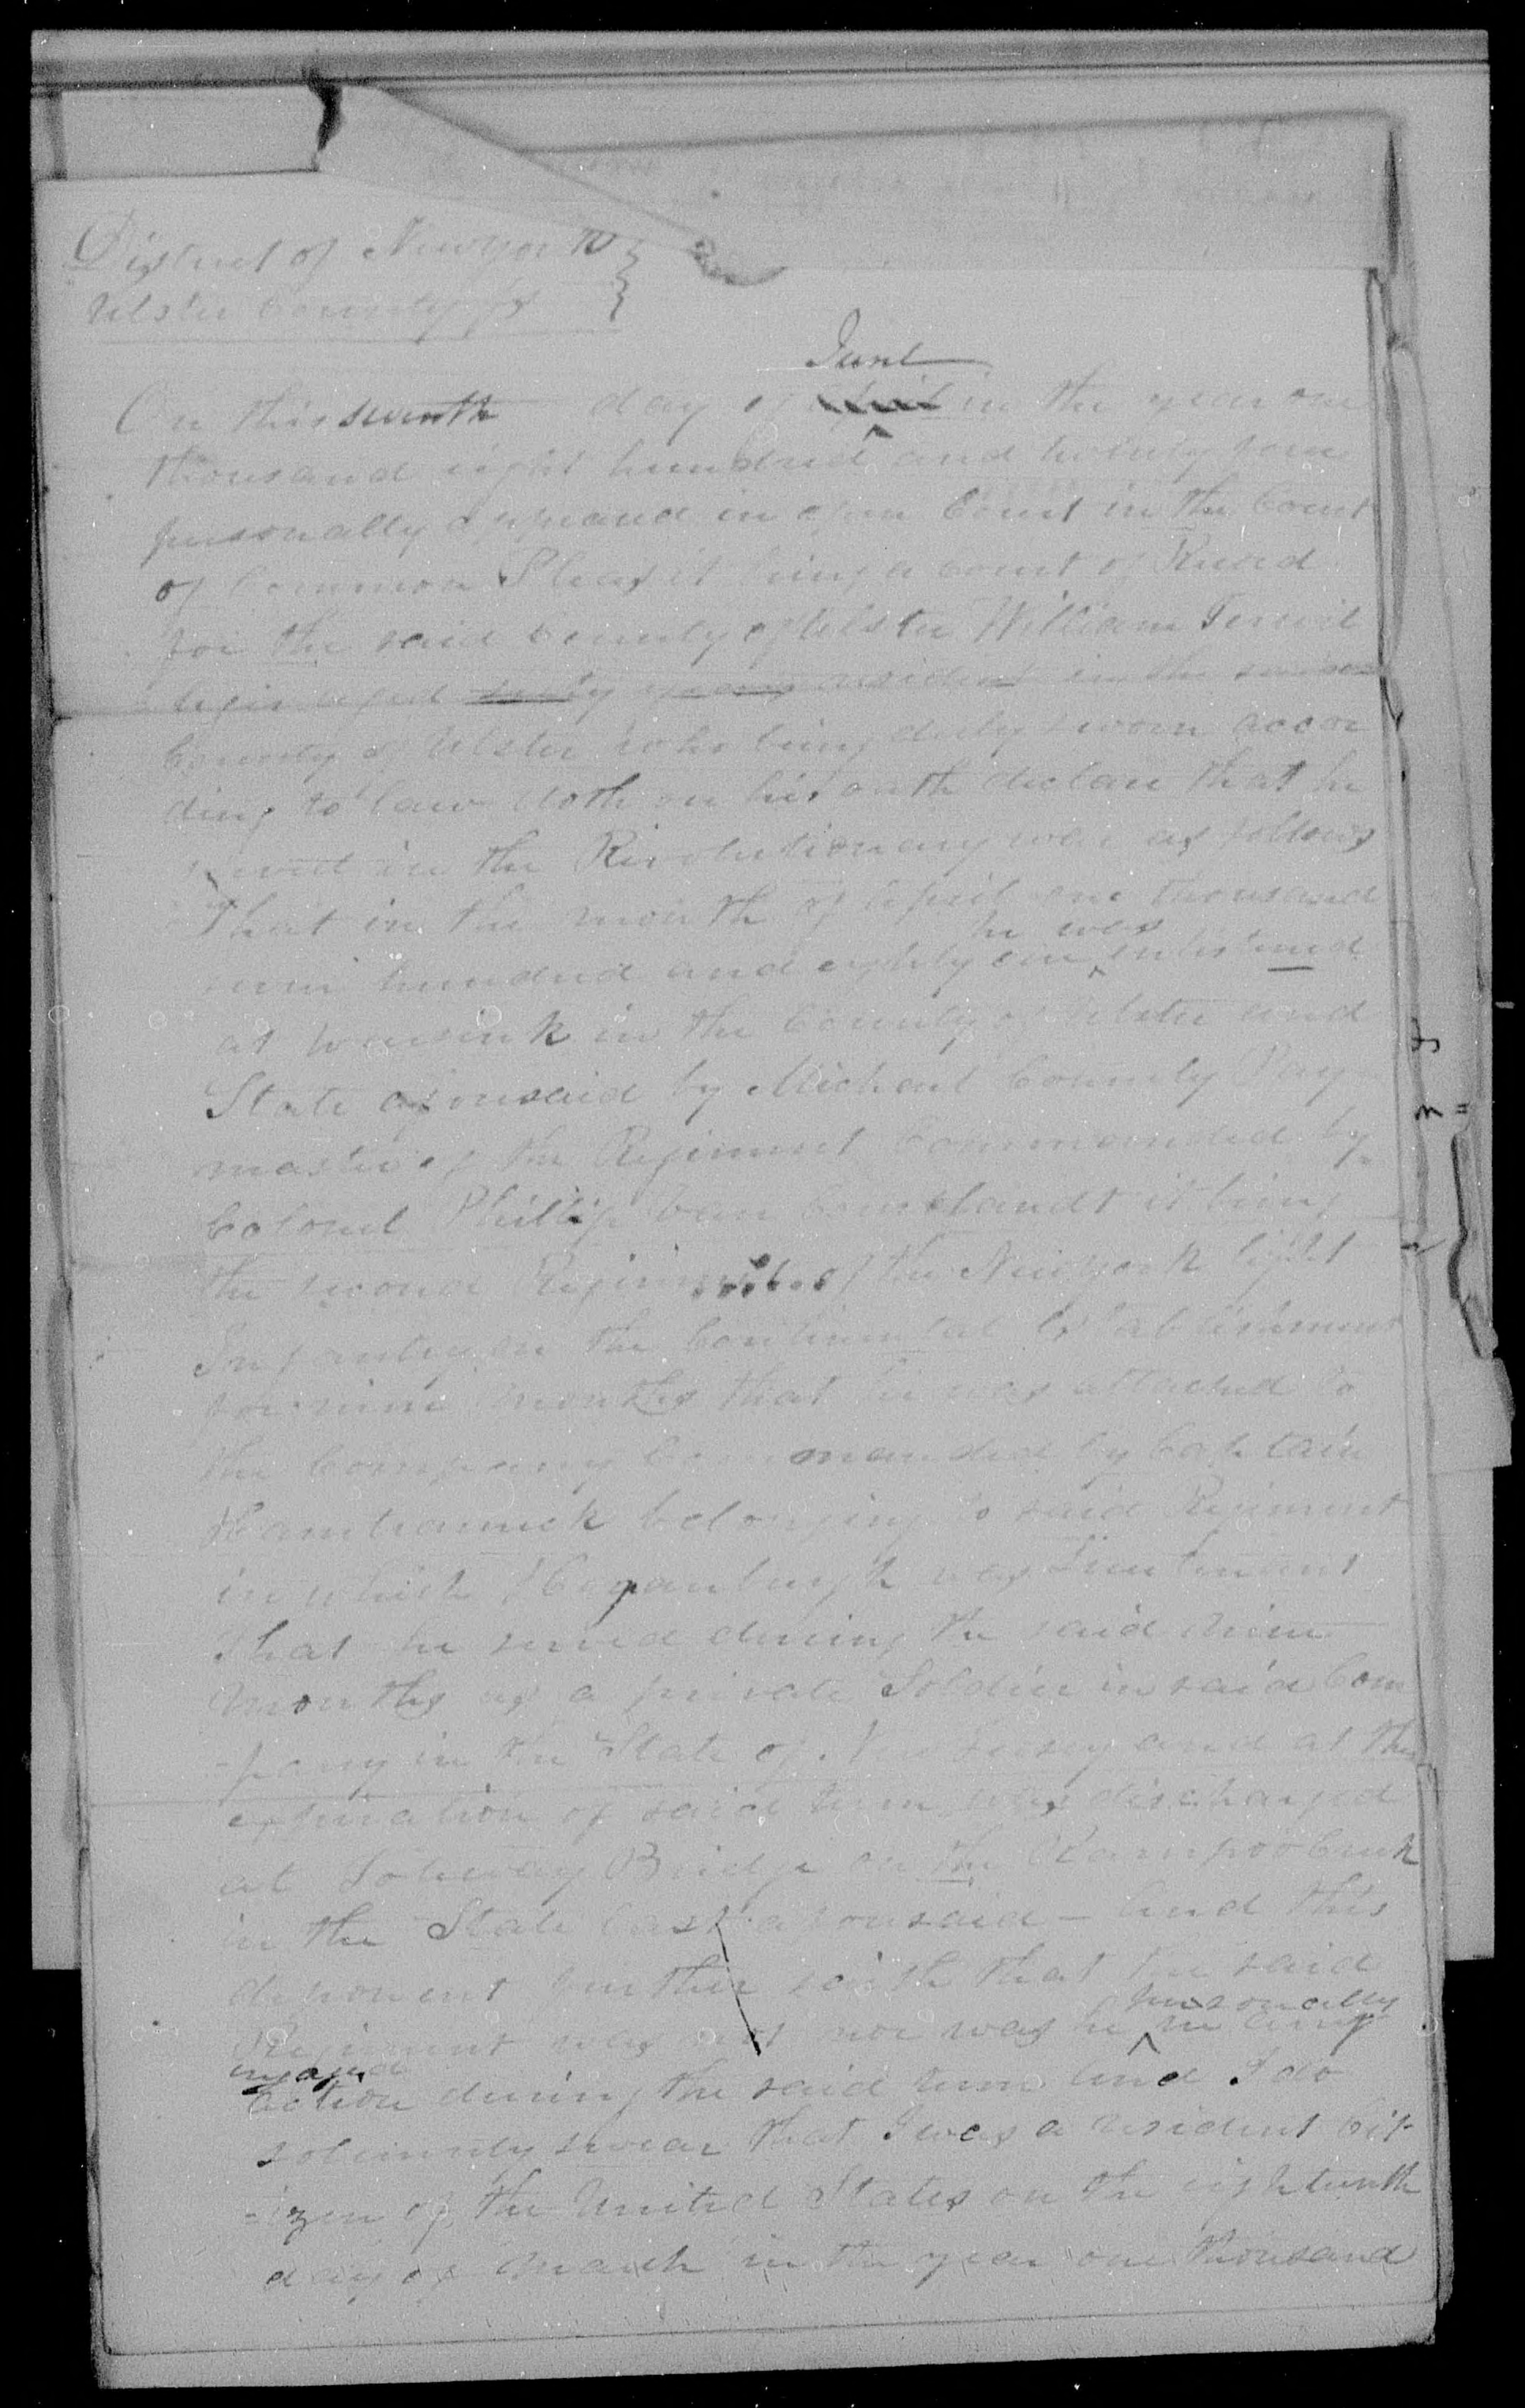District of New York
Ulster County
---
On this seventh day of June in the year one
thousand eight hundred and twenty one
personally appeared in open Court in the Court
of Common Pleas it being a Court of Record
of the said County of Ulster William Terwilliger
and by the
of Ulster who being duly sworn according to law doth on his oath declare that he served
in the Revolutionary war as follows
That in the month of April one thousand
  seven hundred and eighty one enlisted
at Warsink in the County of Ulster and
State aforesaid by [illegible] County by
matter of the Regiment commanded
Colonel Philip Van Cortlandt it is
the second Regiment of the New York
Infantry in the Continental to [illegible]
nine months that he was attached to
the Commanded by Captain
Hamtramck belonging to said Regiment 
in which [illegible]
that he served during the said nine
months as a private Soldier in said Company in the State of New Jersey and at the
[illegible]said term was discharged
at John Bridge on the Rood buck
in the State last aforesaid-- and this
deponent further saith that the said
[illegible]
Regiment was [illegible] during the said term and I do
solemnly swear that I was a resident citizen of the United States on the eighteenth
day of March in the year one thousand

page: 5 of 64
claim: survivor's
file: S. 42,464, for William Terwilliger, New York